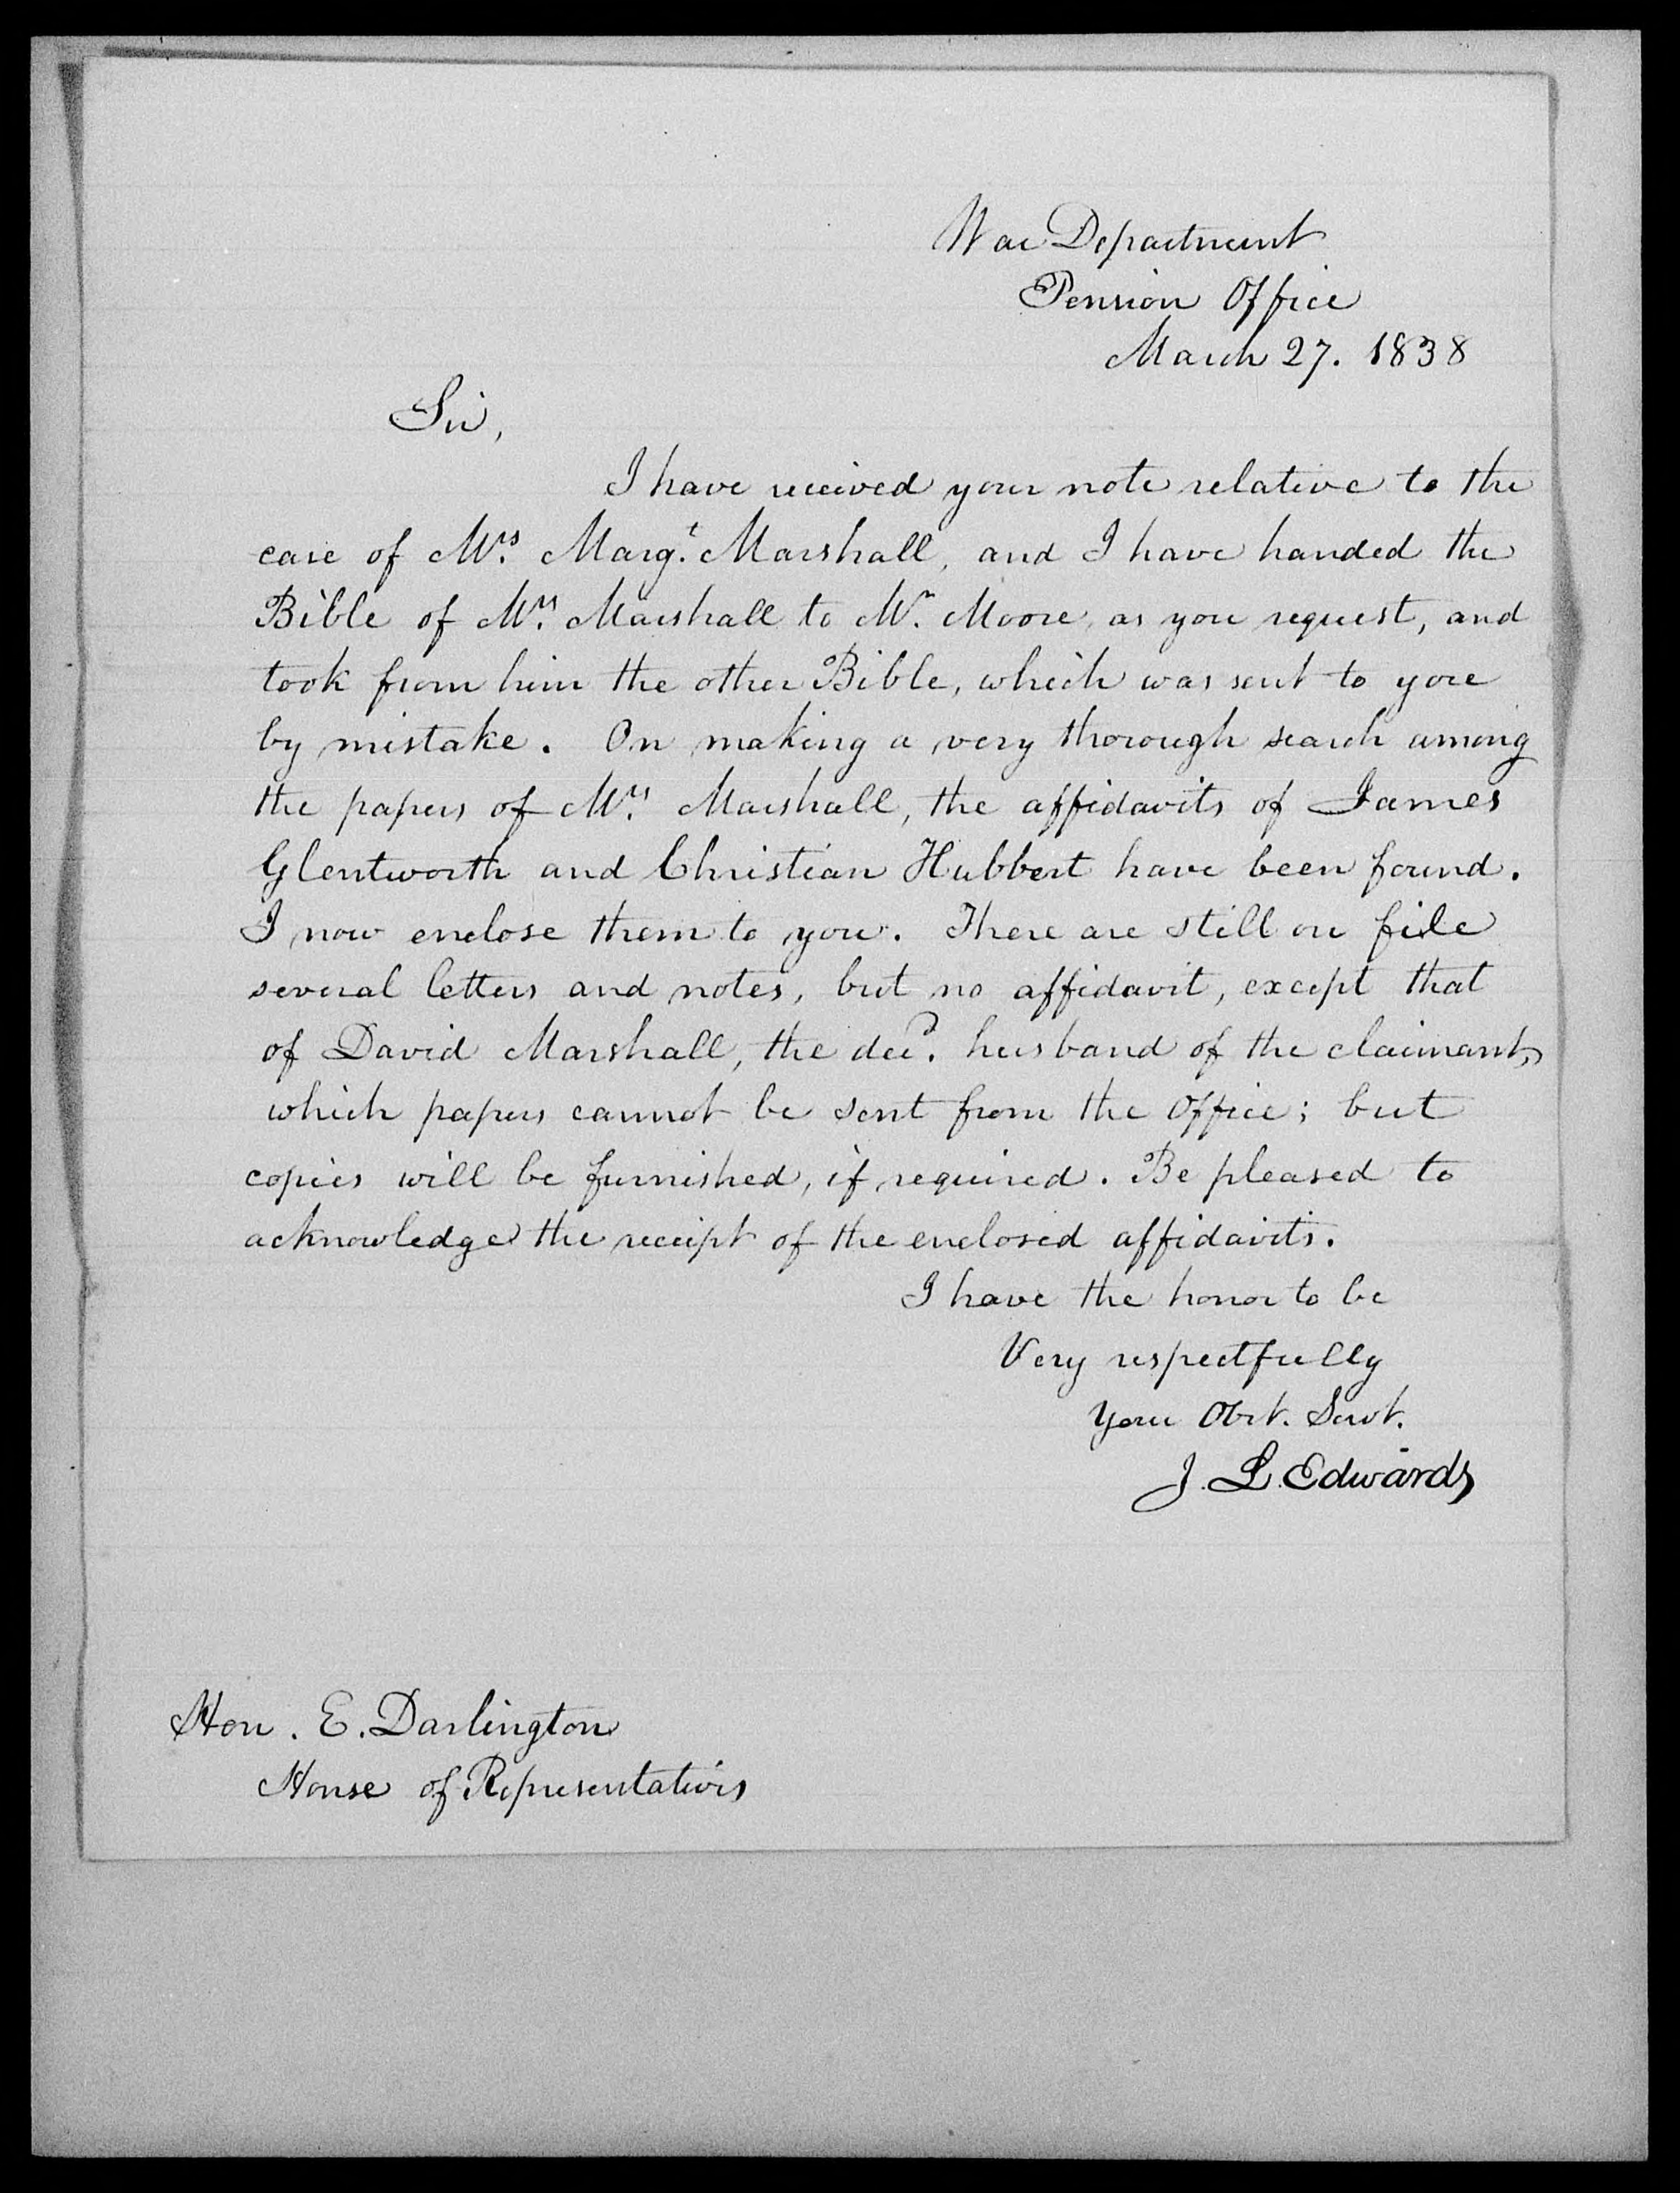War Department
Pension Office
March 27, 1838

Sir,

I have received your note relative to the 
case of Mrs. Margt. Marshall, and I have handed the Bible of Mr. Marshall to Mr. Moore, as you request, and took from him the other Bible, which was sent to you by mistake. On making a very thorough search among the papers of Mr. Marshall, the affidavits of James Glentworth and Christian Hubbert have been found. I now enclose them to you. There are still on file several letters and notes, but no affidavit, except that of David Marshall, the dec. husband of the claimant, which papers cannot be sent from the office; but copies will be furnished, if required. Be pleased to acknowledge the receipt of the enclosed affidavits.

I have the honor to be
Very respectfully
Your obt. servt.
J.L Edwards

Hon. E Darlington 
House of Representatives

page: 44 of 86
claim: widow's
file: W. 3571, for David Marshall, Pennsylvania